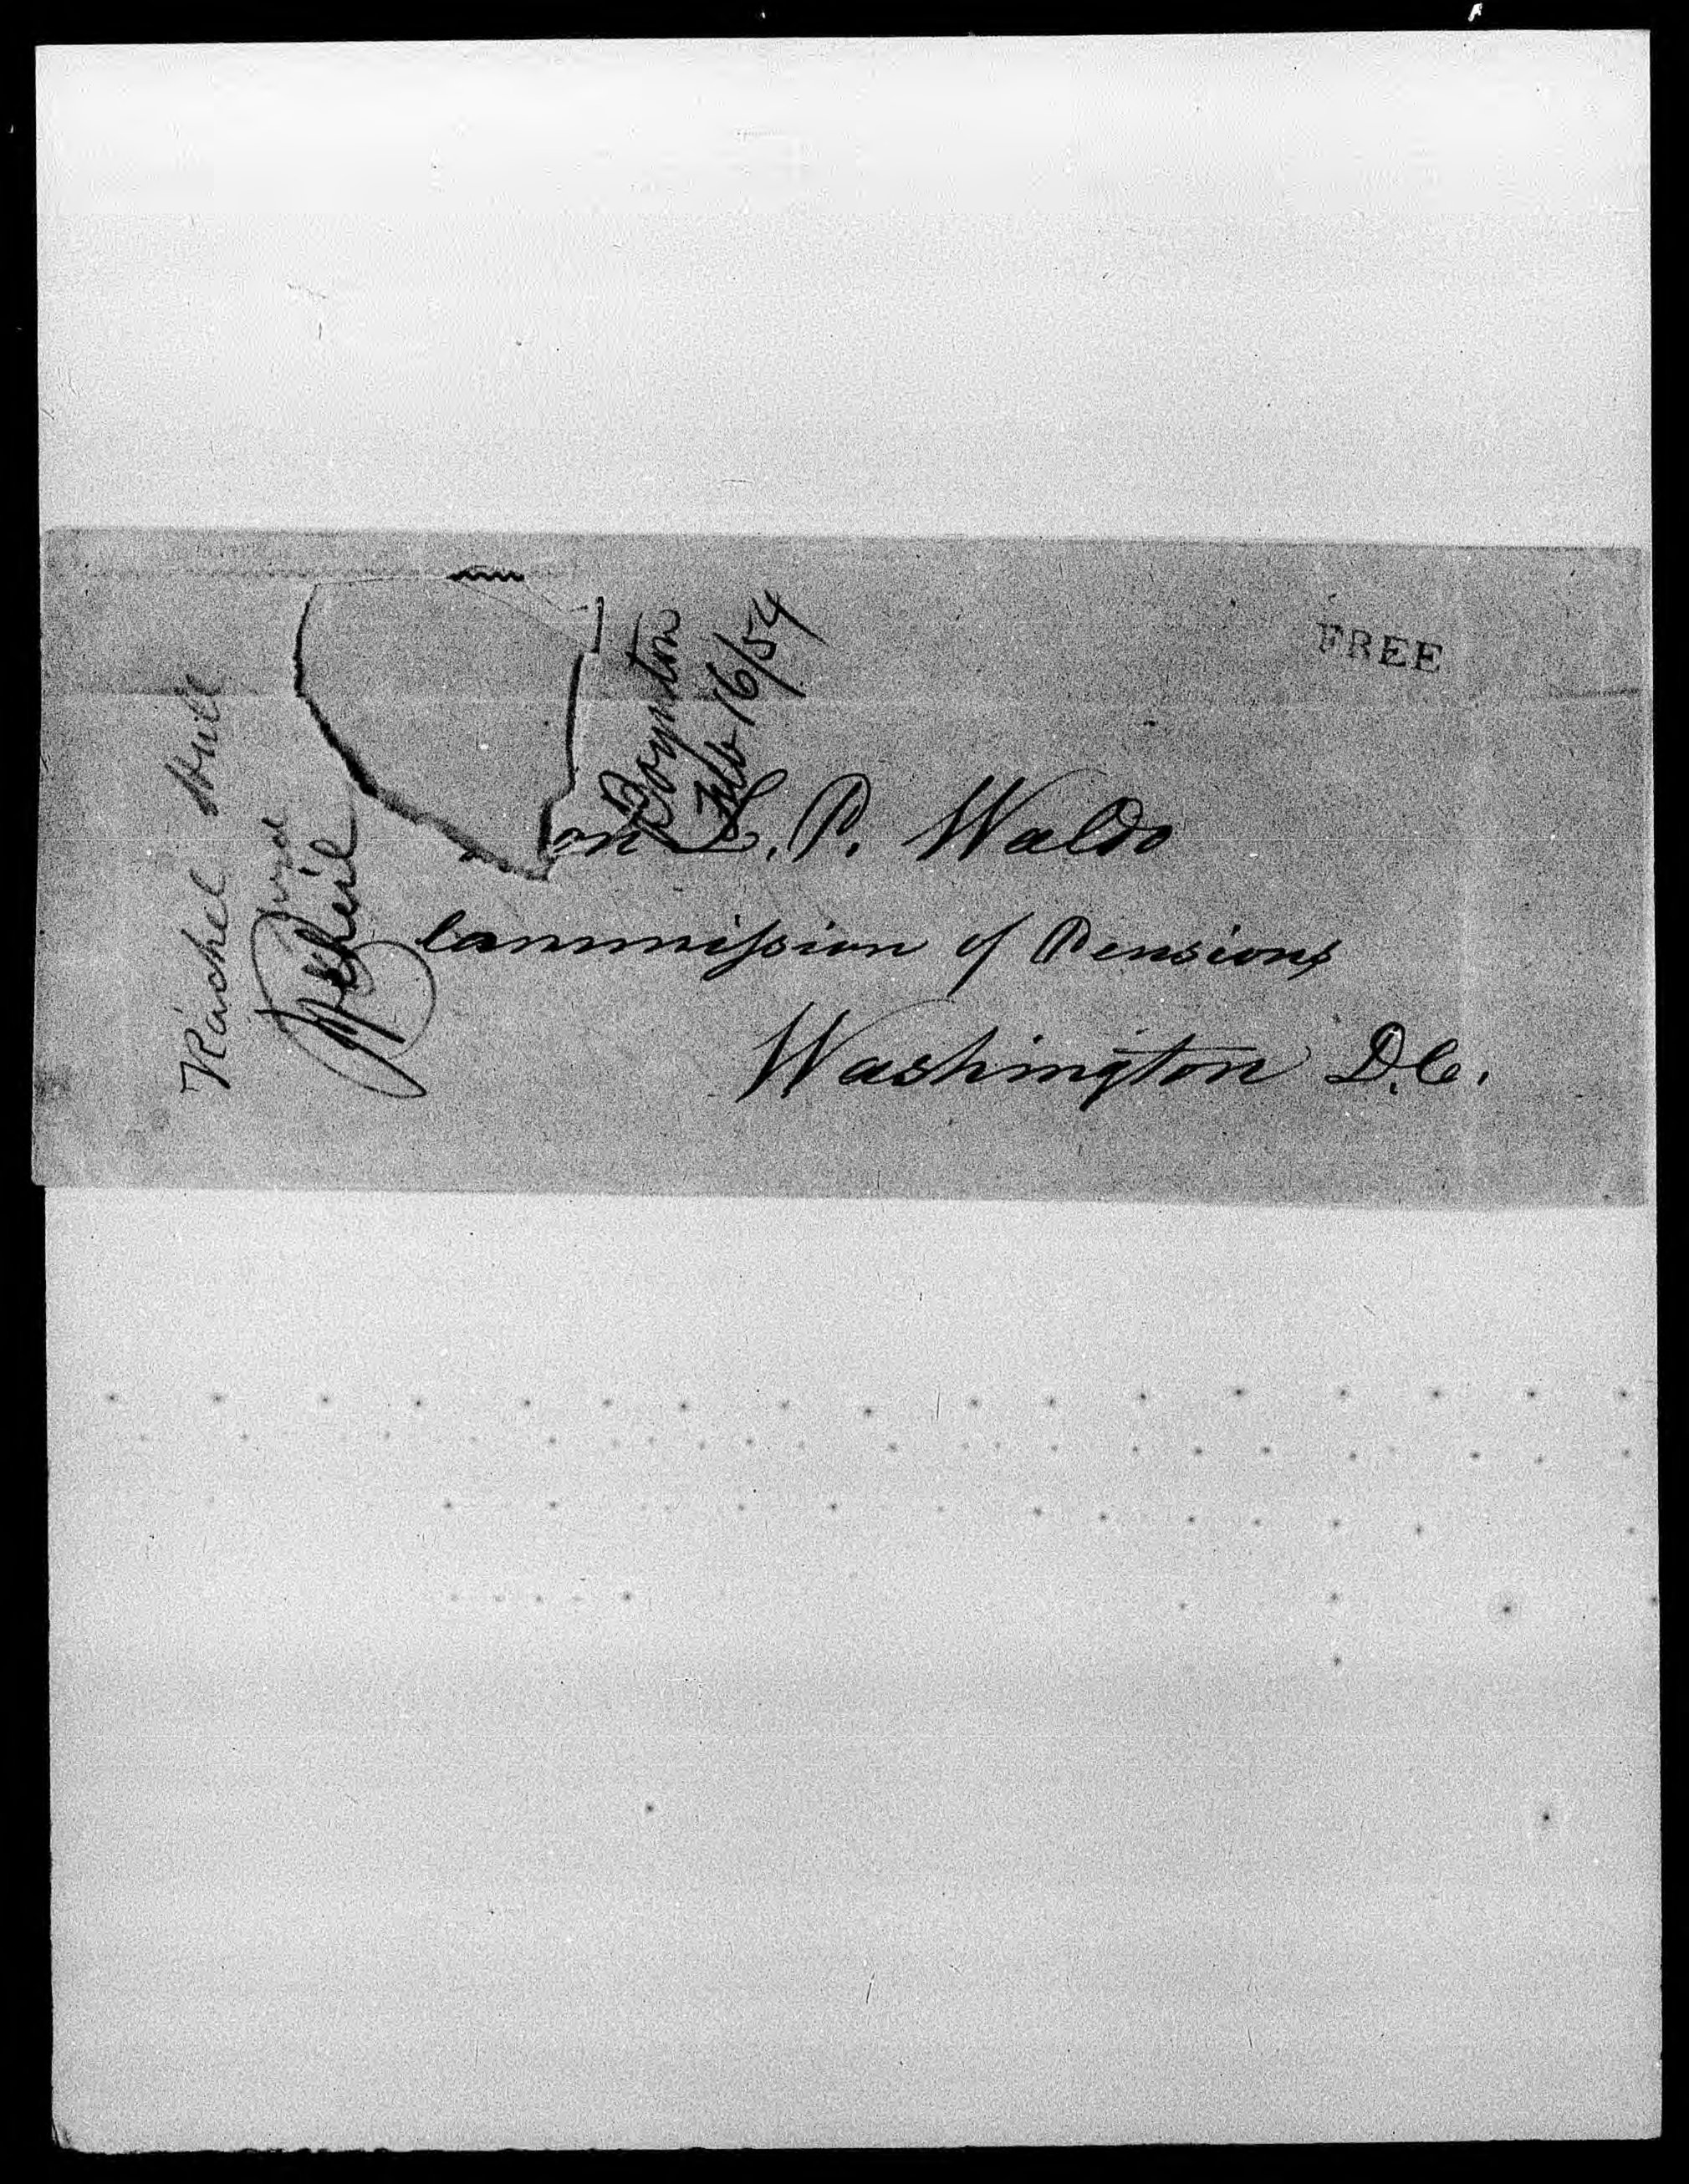Rachel Hull ILLEGIBLE Jehiel 
Dayton Feb 16/54
ILLEGIBLE L.P. Waldo
Commissioner of Pensions
Washington D.C.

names: Jehiel Hull, Rachel Hull, Boynton, L P Waldo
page: 29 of 58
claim: widow's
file: W. 25813, Jehiel Hull, Conn.